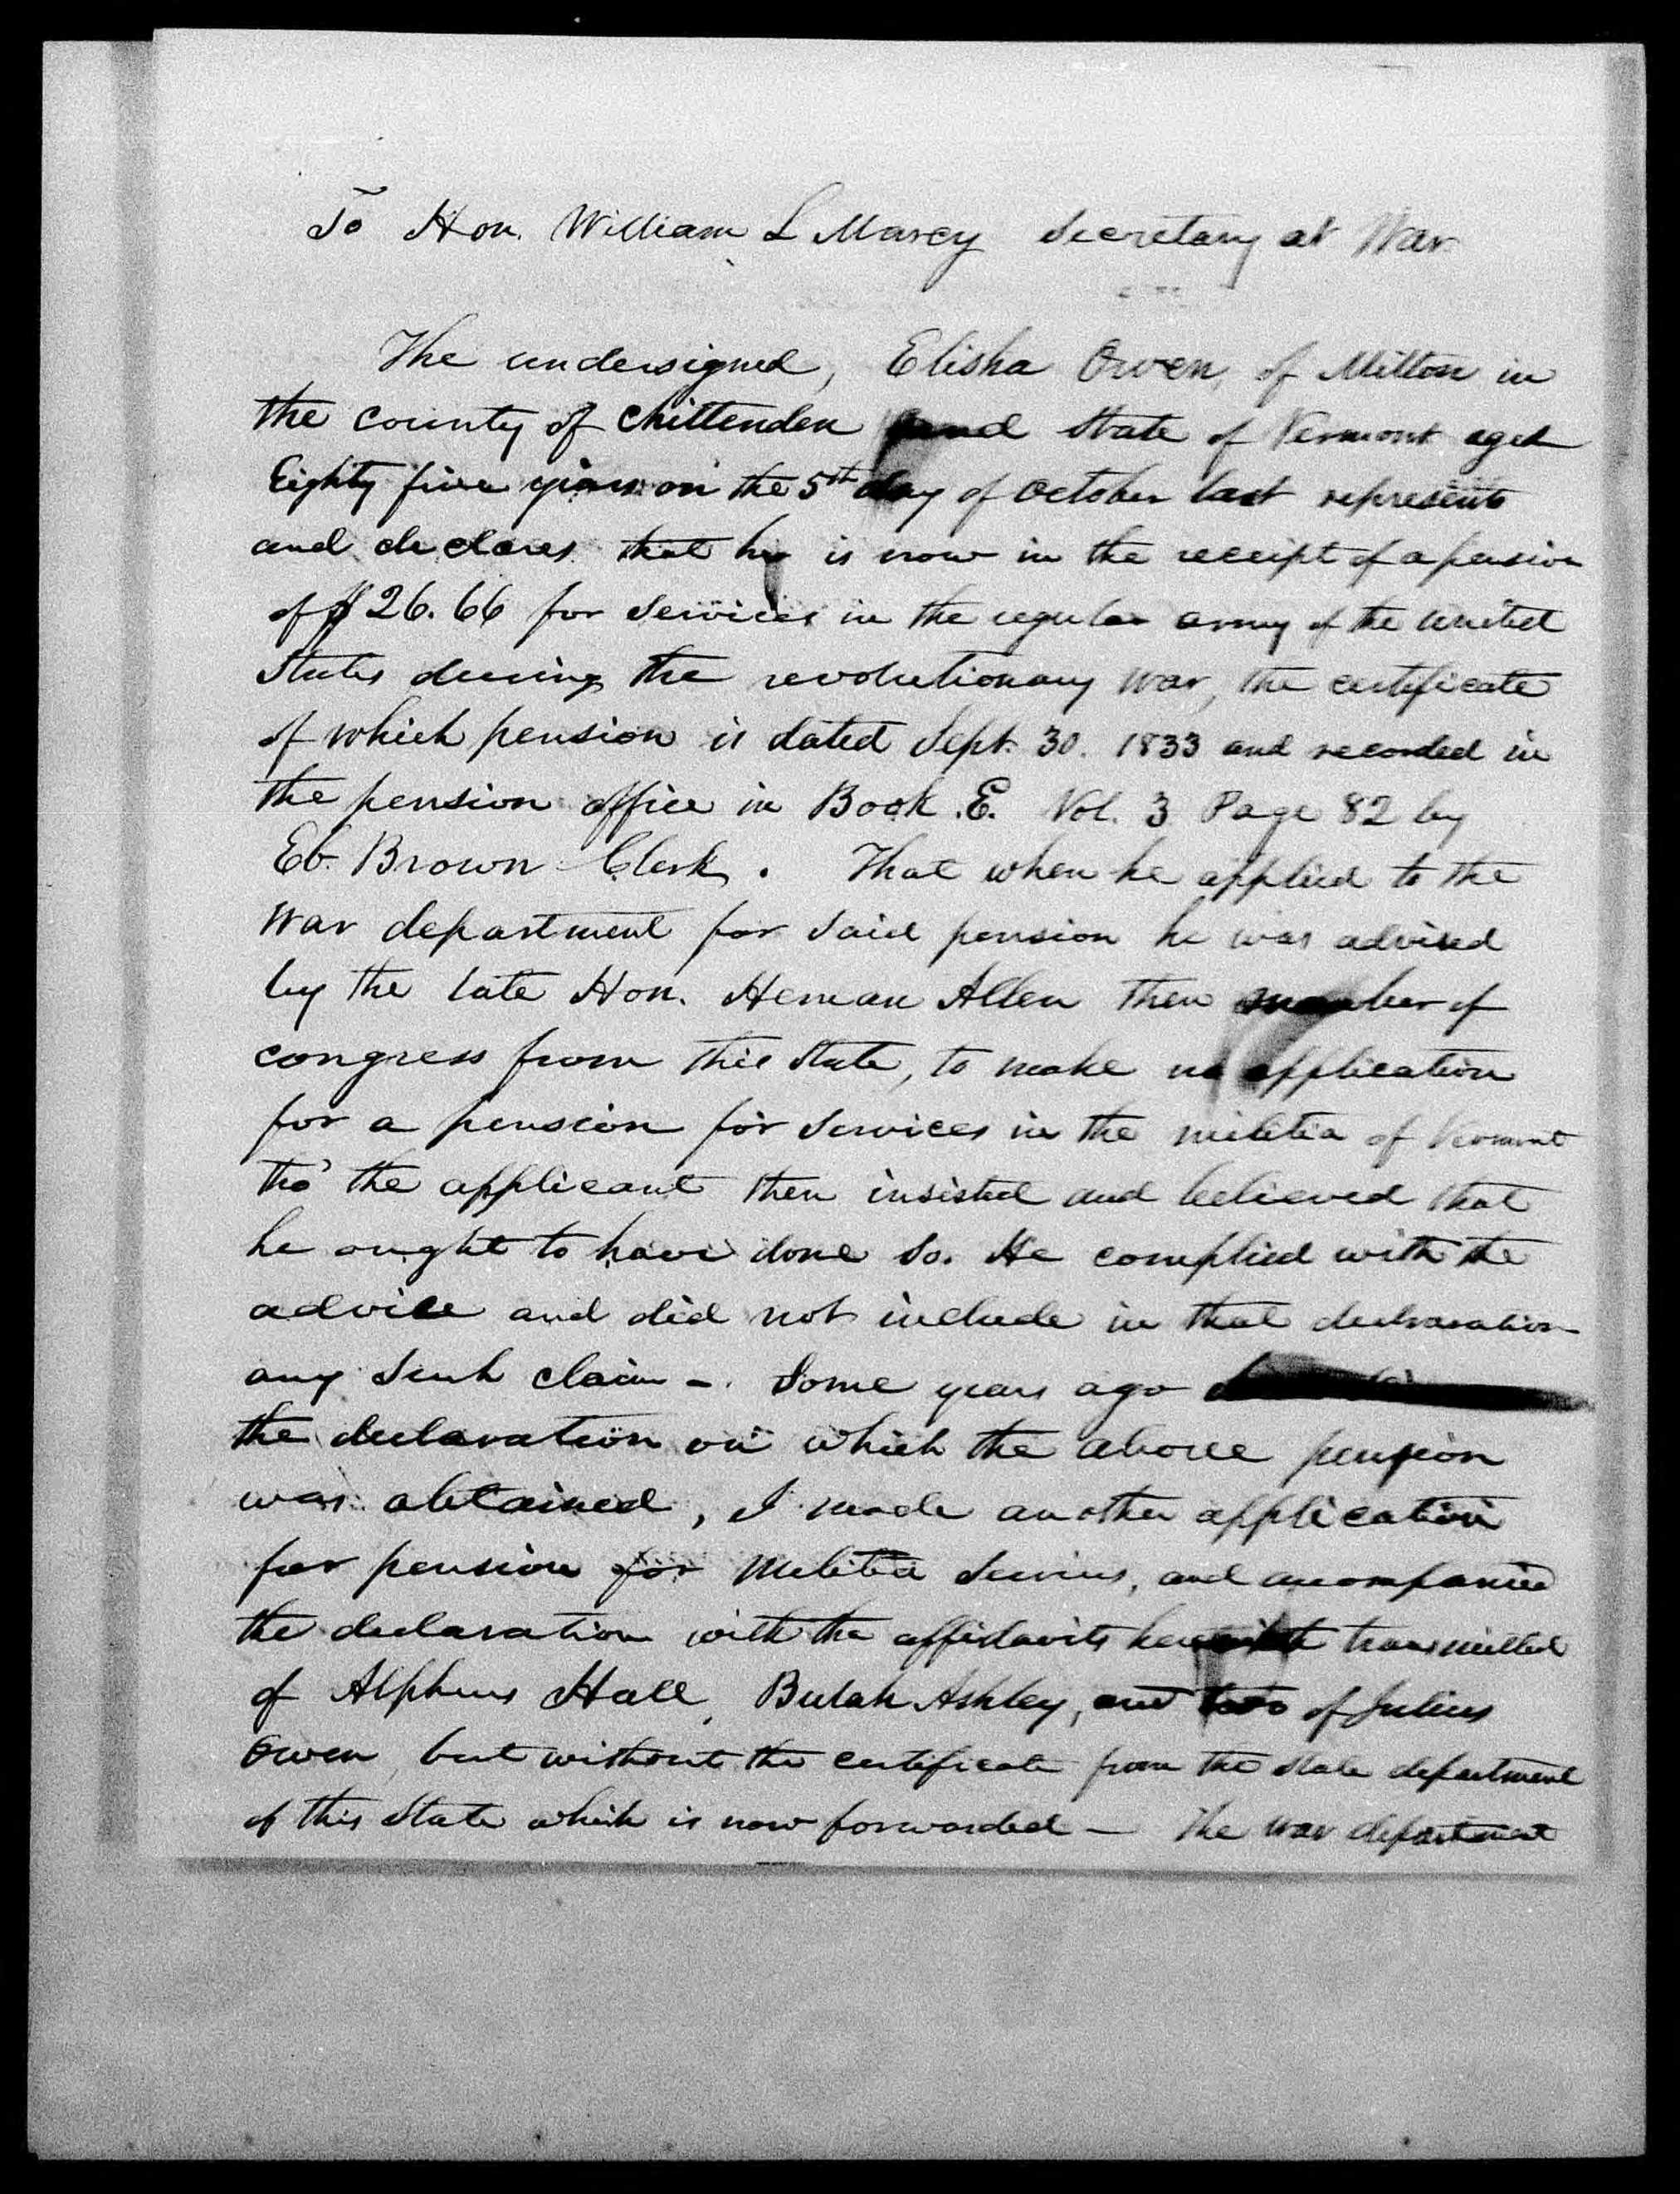To Hon. William L Marcy Secretary at War

The undersigned, Elisha Owen, of Milton in the county of Chittenden State of Vermont aged eighty five years on the 5th day of October last represents and declares that he is now in the receipt of a pension of $26.66 for services in the regular army of the United States during the revolutionary war, the certificate of which pension is dated Sept. 30, 1833 and recorded in the pension office in Book .E. Vol.3 page 82 by Eb Brown clerk. That when he applied to the war department for said pension he was advised by the late Hon Herman Allen then [illegible smudge] of congress from the state, to make an application for a pension for services in the militia of Vermont tho the applicant when insisted and believed that he ought to have done so. He complied with the advise and did not include in that declaration any such claim. Some years ago the declaration on which the above pension was obtained, I made another application for pension for militia services and accompanied the declaration with the affidavit here with transmitted of Alpheus Hall, Bulah Ashley, and [illegible] of Julius Owen but without the certificate from the State department of this State which is now forwarded- The war department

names: Alpheus Hall; Heman Allen; Eb Brown; Bulah Ashley; Elisha Owen; William L Marcy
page: 11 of 23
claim: survivor's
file: S 14072, for Elisha Owen, Vermont